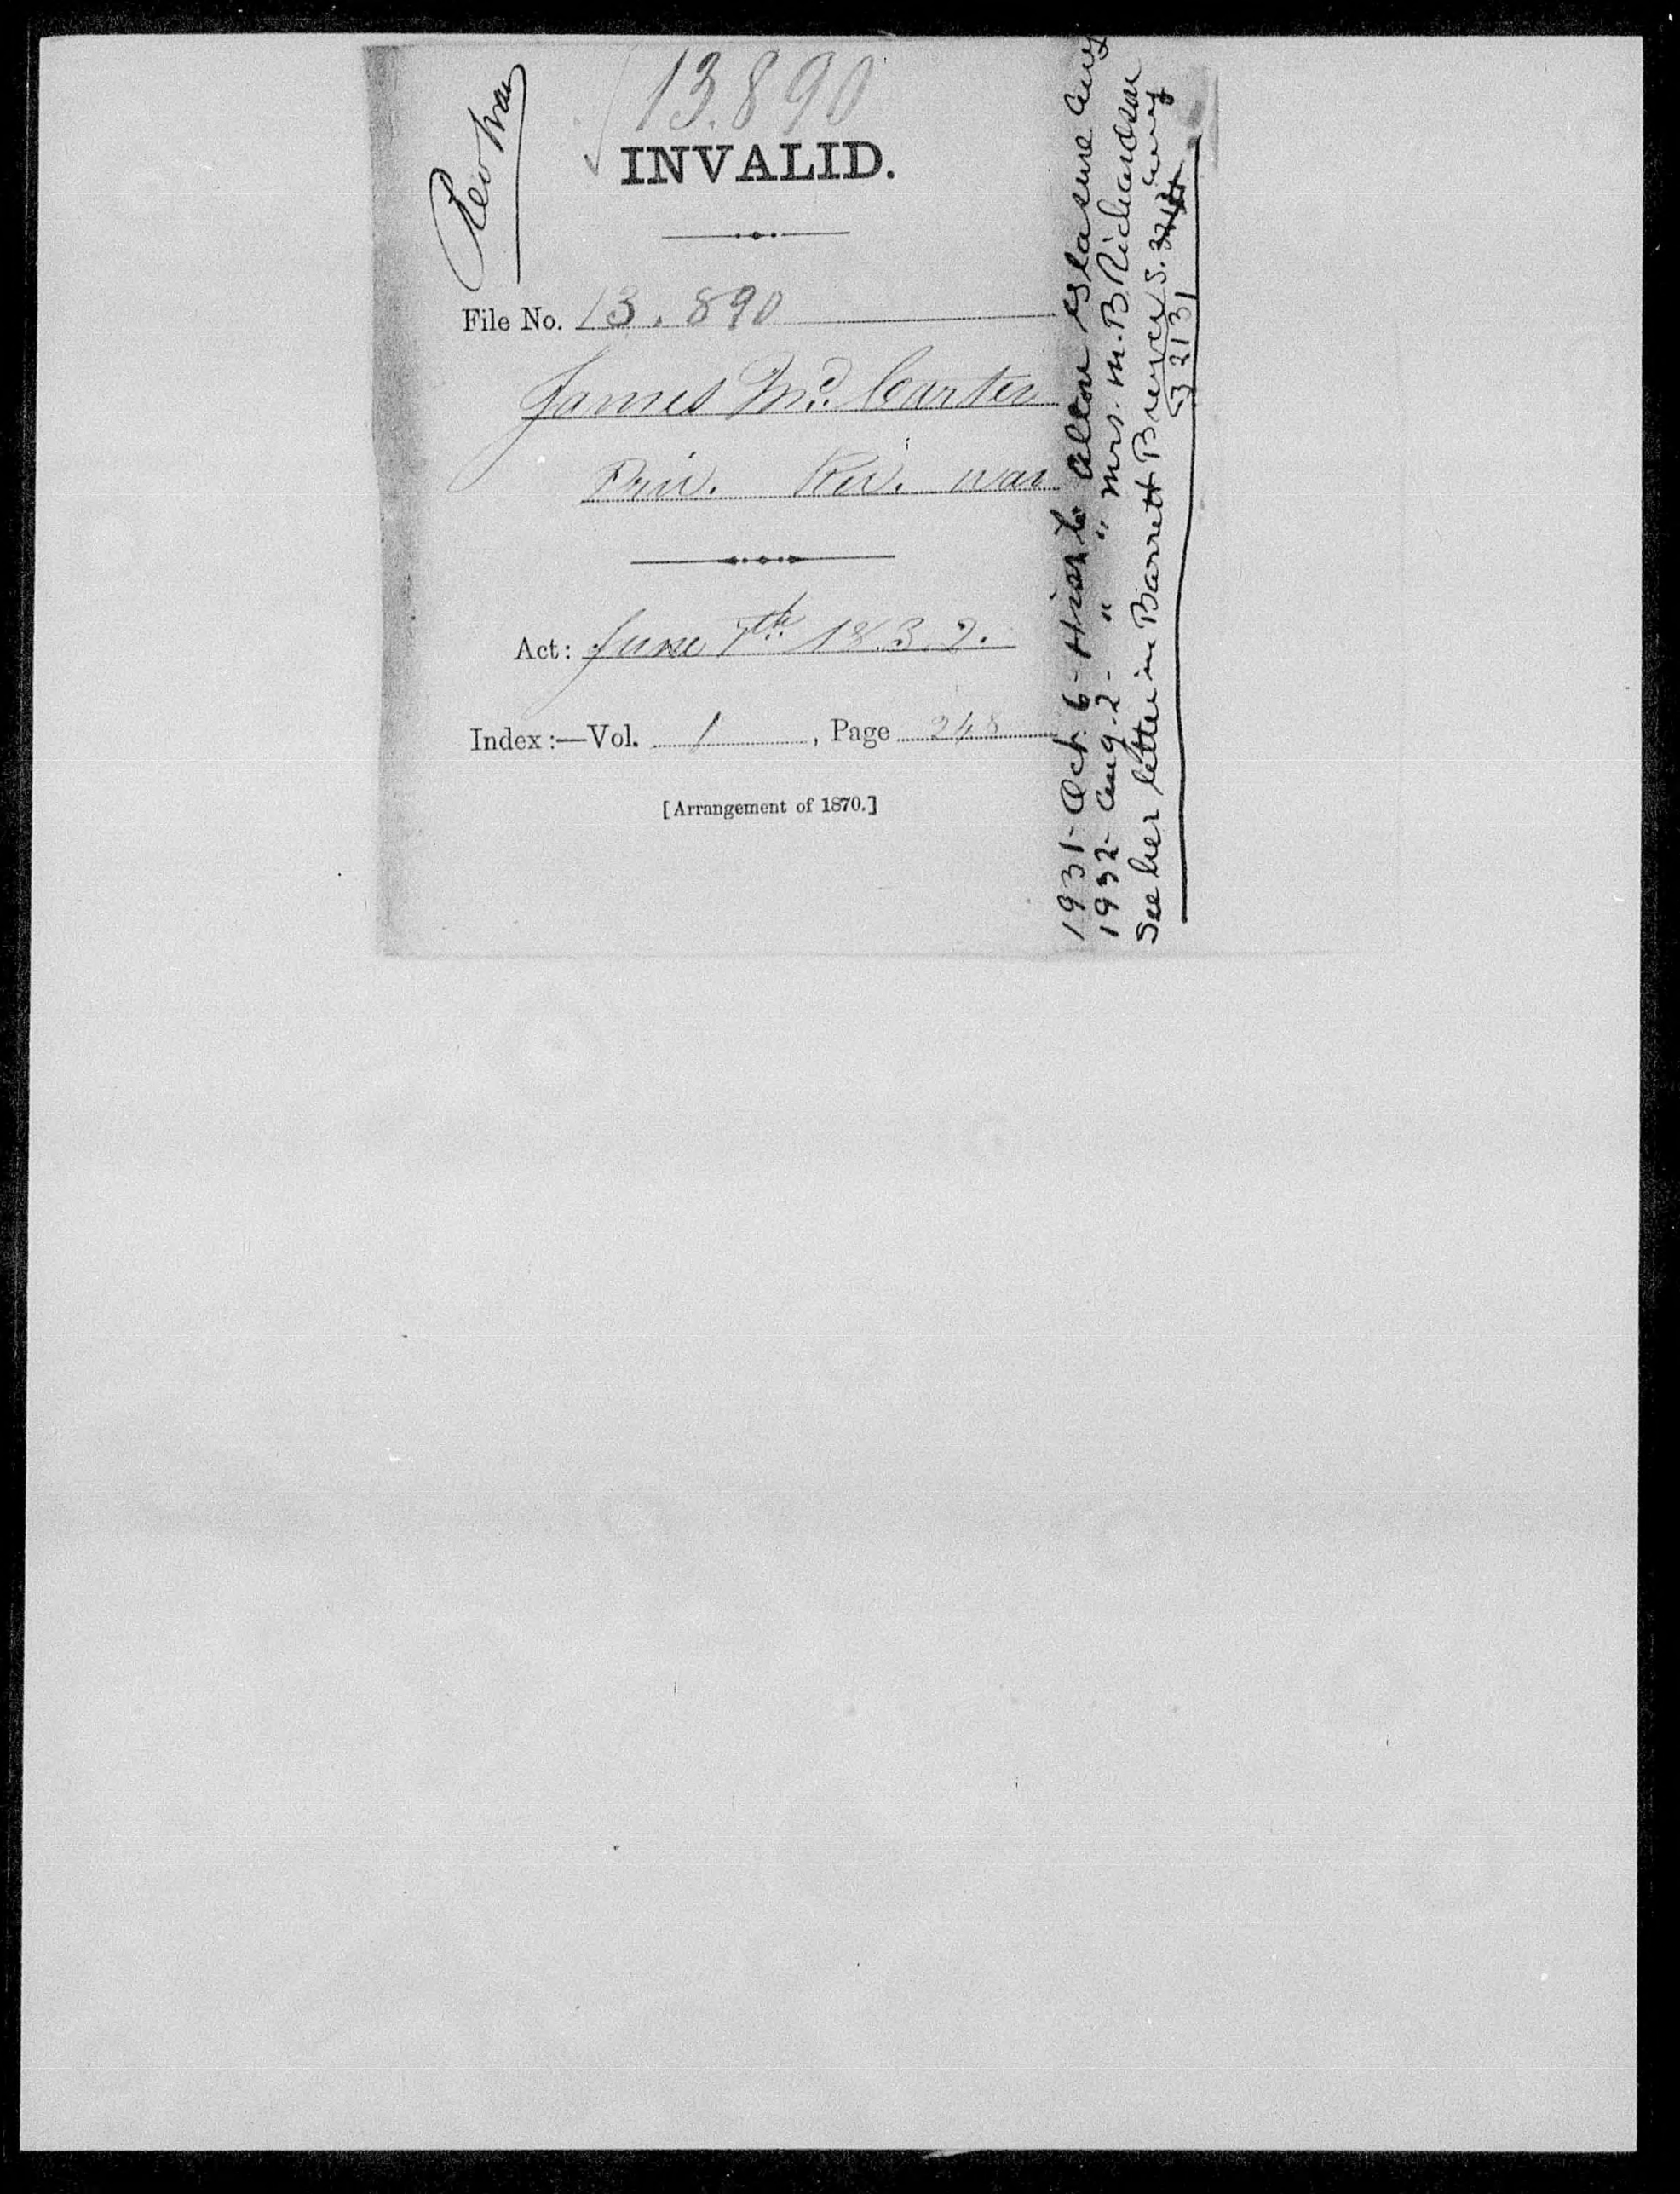[Printed document with handwritten entries}

Rev War
13.890
INVALID
Filer No. 13.890 James McCarter Priv. Rev. war
Act: June 7th 1832
Index:-Vol. 1, Page 248
[Arrangement of 1870}

{Written on right margin of document}
1931 - Oct. 6 - Hist to Alton Glasure [illegible]
1932 - Aug 2 - " " Mrs. M.B. Richardson
see her letter in Barrett Breyer S. 32131 [illegible}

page: 12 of 45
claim: survivor's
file: S. 13,890, for James Mc Carter, South Carolina